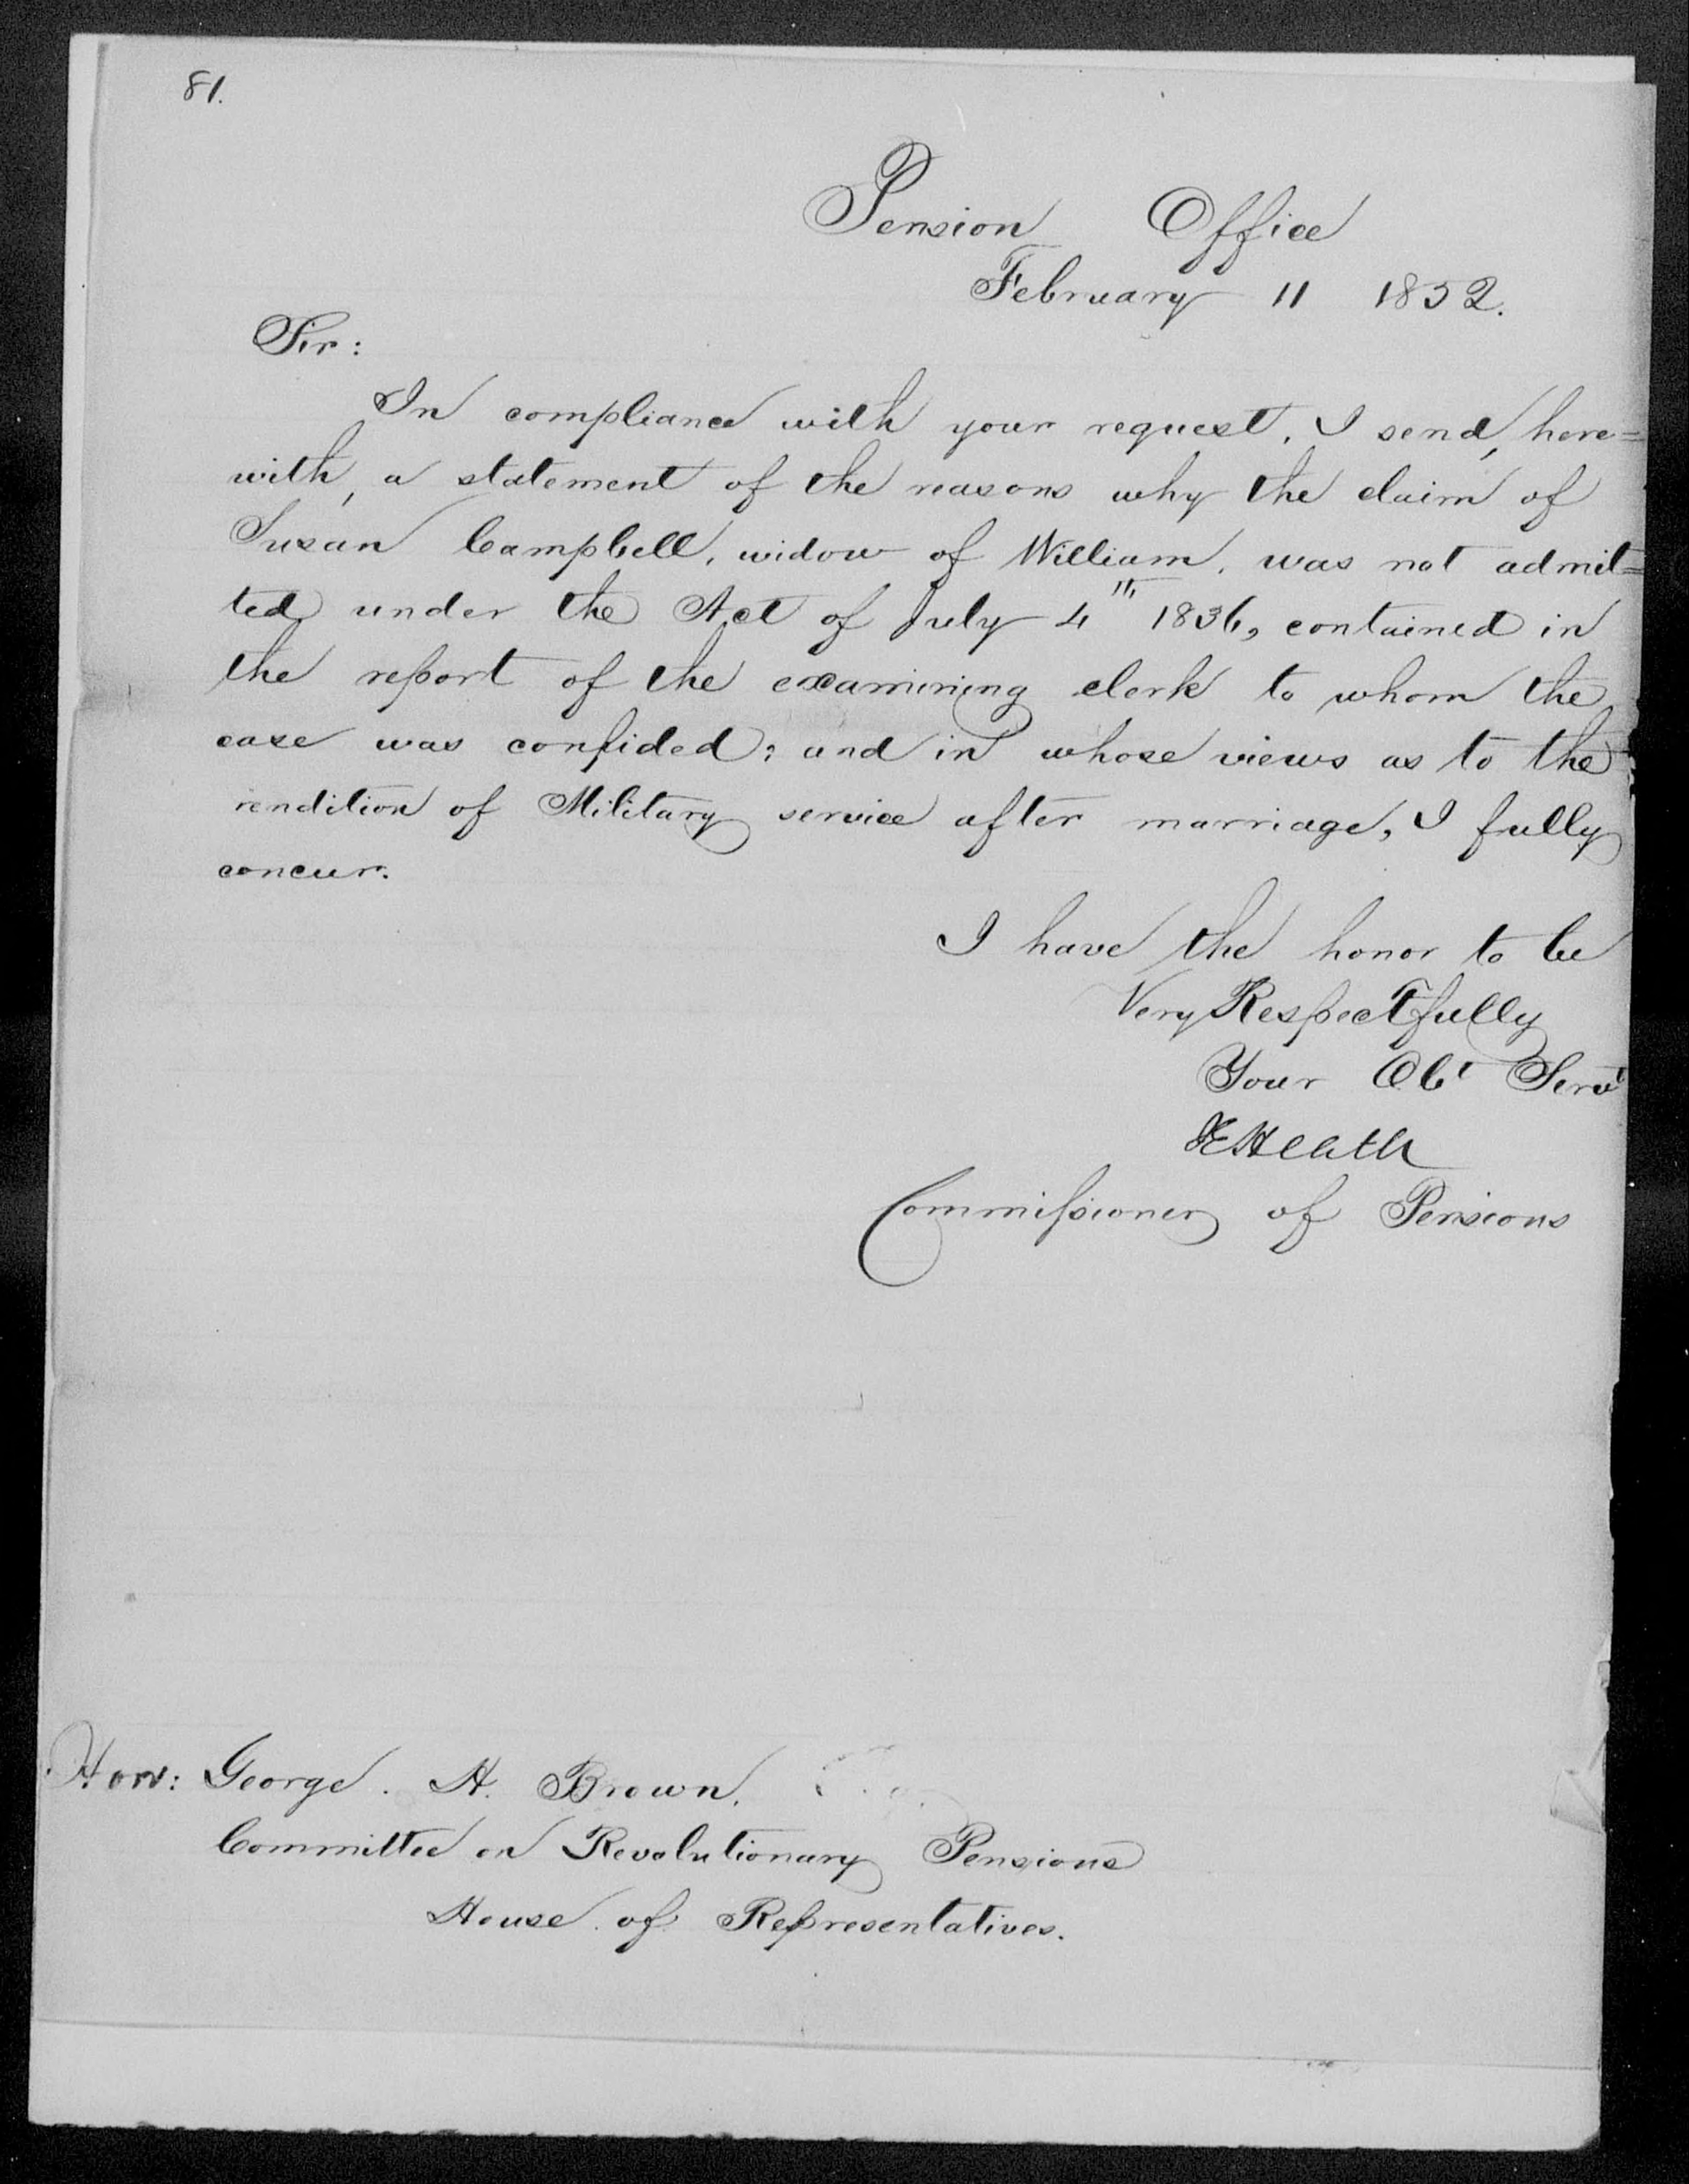81.
Pension Office
February 11 1852.

Sir:
In compliance with your request, I send, herewith, a statement of the reasons why the claim of Susan Campbell, widow of William, was not admitted under the Act of July 4th 1836, contained in the report of the examining clerk to whom the case was confided; and in whose views as to the rendition of Military services after the marriage, I fully concur.
I have the honor to be
Very Respectfully
Your Obt Servt
J E Heath
Commissioner of Pensions

Hon: George. H. Brown,
Committee on Revolutionary Pensions
House of Representatives.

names: Susan Campbell, J E Heath, William Campbell, George H Brown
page: 127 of 267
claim: widow's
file: W. 4,149, William Campbell, Va.